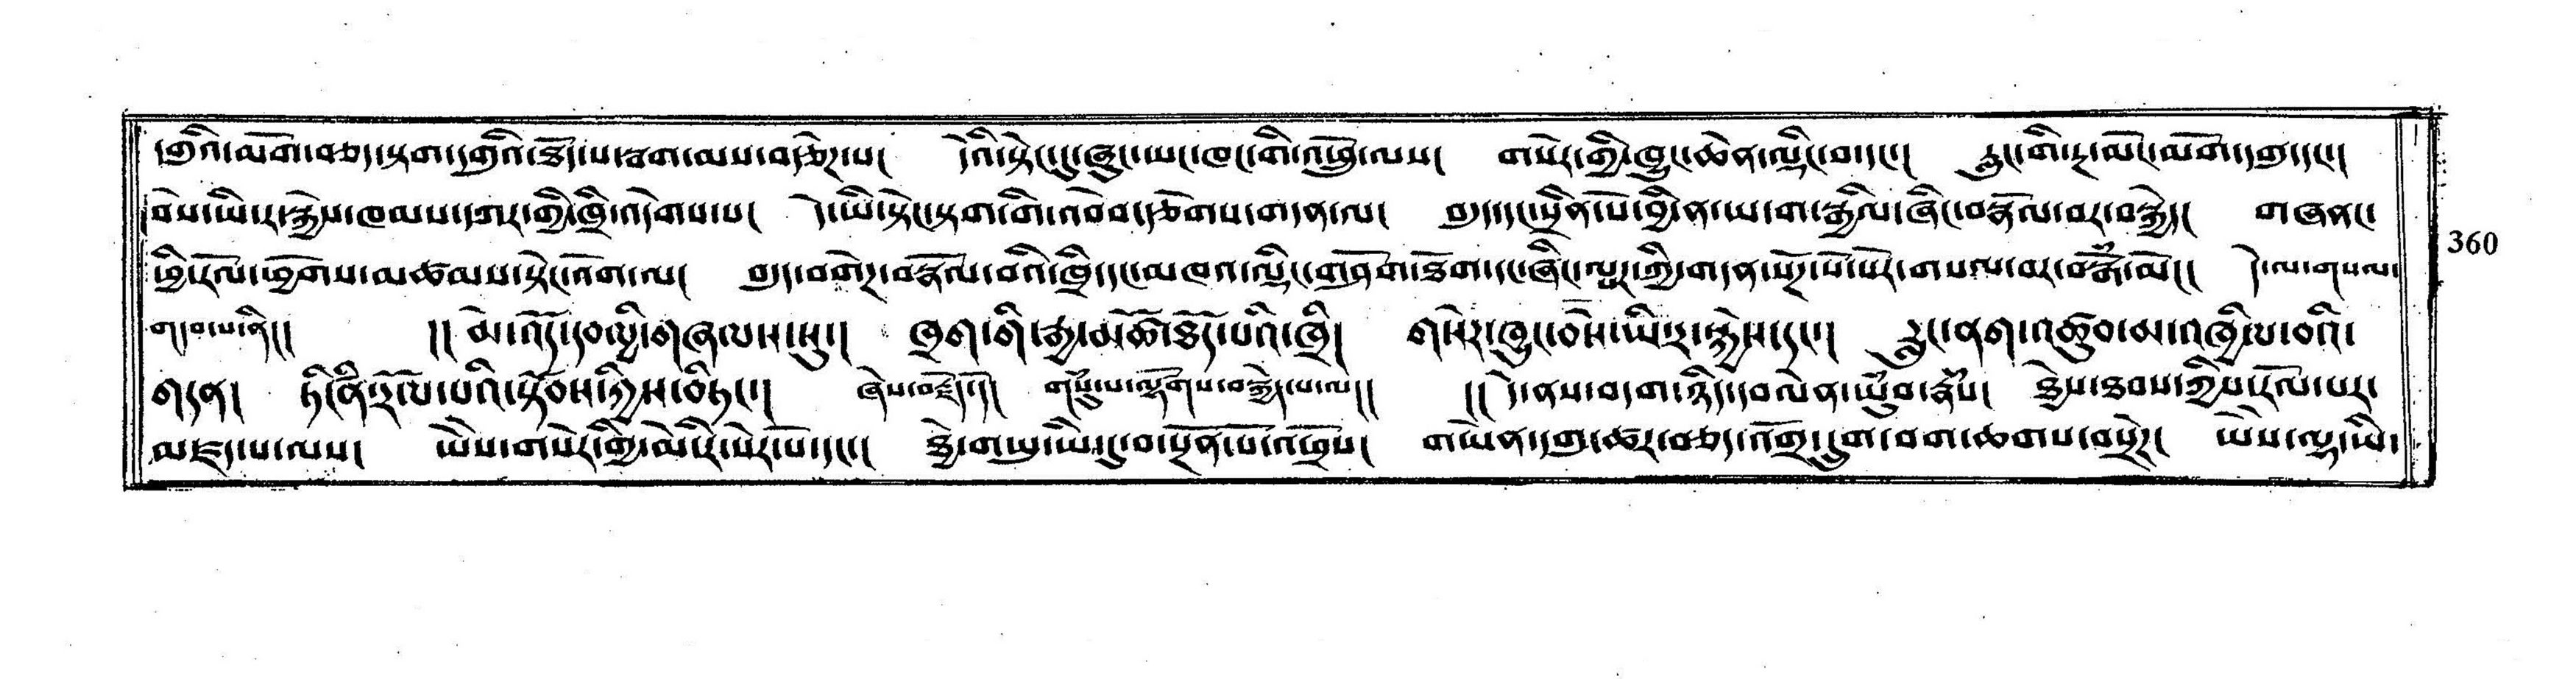དགུའི་མགོ་{371}བཅད་སྟག་དགུའི་ཐོད་པ་སྦག་མས་བརྩེགས་པ། དེའི་སྟེང་དུ་ཞུང་ཡང་ཁང་གི་འཕྲོ་འདུ་ལས། གསེར་གྱི་ཁྱུང་ཆེན་ལྡིང་བ་དང་། རླུང་གི་རྔ་མོང་མགོ་དགུ་དང་། 
བསེ་ཡི་ར་སྐྱེས་ཁམས་དཀར་གྱི་ཁྲི་འདེགས་པ། དེ་ཡི་སྟེང་སྟག་གི་འབེབ་རྩེགས་གདན་ལ། བདུད་དང་སྲིན་པོ་བྱི་ན་ཡ་ག་སྒྱིལ་ཞིང་བསྣོལ་བར་བསྐྱེད། གཞན་ཡང་
ཕྱི་རོལ་ཕྱོགས་མཚམས་སྟེང་འོག་ལ། བདུད་བགེགས་བསྣོལ་བའི་ཁྲི་དང་མཁའ་ལྡིང་གཤོག་ཐོག་དང་ཞིང་ལྤགས་ཀྱི་གདན་སོགས་སོ་སོར་གསལ་བར་བསྒོམ་མོ། དེ་ལ་གསལ་
གདབ་པ་ནི།། །།མེ་འོད་དབལ་གྱི་གཞལ་ཡས་སུ། ཁྲག་གི་རྒྱ་མཚོ་ཐོད་པའི་ཁྲི། གསེར་ཁྱུང་བསེ་ཡི་ར་སྐྱེས་དང་། རླུང་ནག་འཚུབ་མ་འཁྱིལ་བའི་
གདན། ཏིང་འཛིན་རོལ་པའི་སྟོབས་ཀྱིས་བཏིང་། ཞེས་བརྗོད་དོ། གསུམ་པ་ལྷ་ཚོགས་བསྐྱེད་པ་ལ།། དེ་ནས་བདག་ཉིད་དབལ་ཆེན་ཡབ་ཡུམ་རྣམས། ཐུགས་རྗེ་ཐབས་ཀྱིས་རོལ་པར་
མཛད་པ་ལས། ཡེ་ཤེས་གསེར་གྱི་མེ་རི་སེར་པོ་དང་། ཐུགས་གཡུ་ཡི་དུ་བ་སྔོན་པོ་{372}འཕྲོས། གཡེན་དགུ་ཚར་བཅད་འགྲོ་དྲུག་བག་ཆགས་བསྲེགས། ཡེ་ཤེས་ལྷ་ཡི་